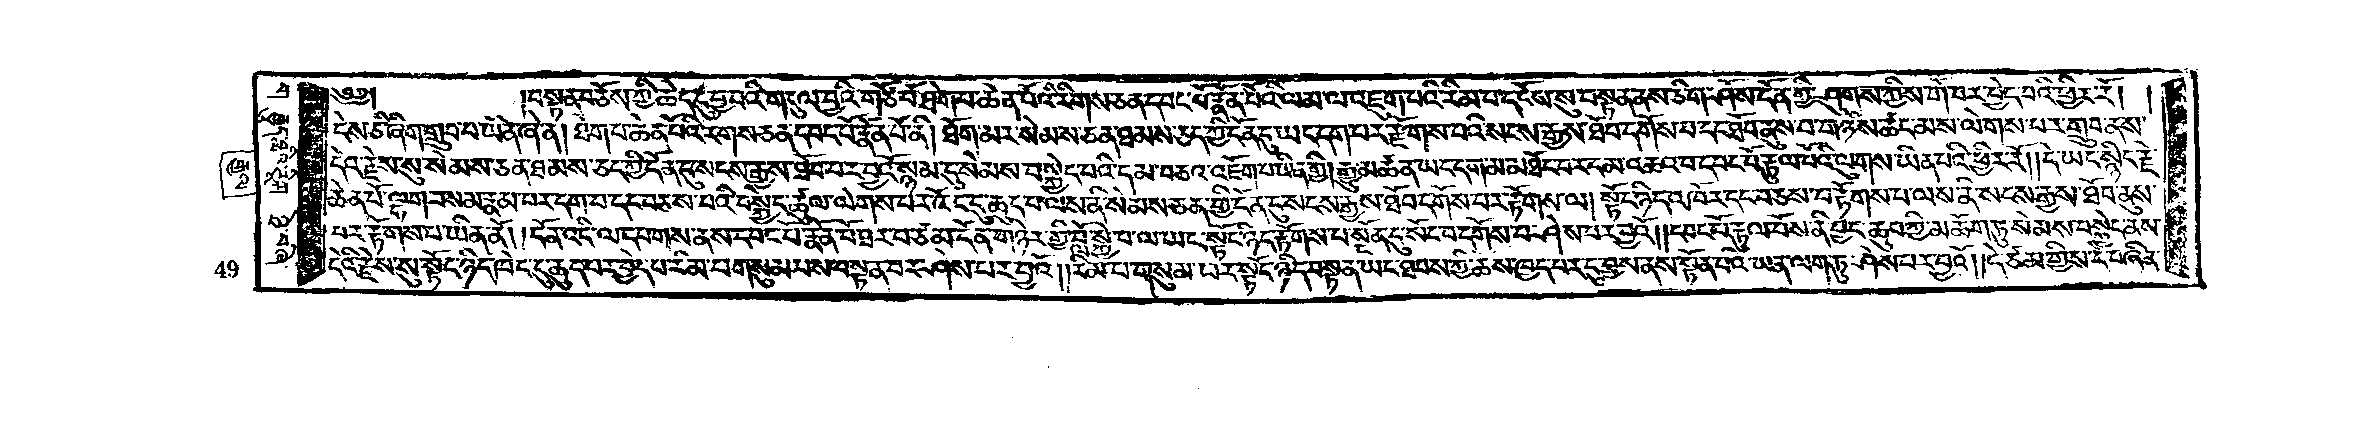༄༅། །བསྟན་བཅོས་ཀྱི་ཆེད་དུ་བྱ་བའི་གདུལ་བྱའི་གཙོ་བོ་ཐེག་པ་ཆེན་པོའི་རིགས་ཅན་དབང་པོ་རྣོན་པོའི་ལམ་ལ་འཇུག་པའི་རིམ་པ་དངོས་སུ་བསྟན་ནས་ཅིག་ཤོས་དོན་གྱི་ཤུགས་ཀྱིས་གོ་བར་བྱེད་པའི་ཕྱིར་རོ། །
དེས་ཅི་ཞིག་གྲུབ་པ་ཡིན་ཞེ་ན། ཐེག་པ་ཆེན་པོའི་རགས་ཅན་དབང་པོ་རྣོན་པོ་ནི། ཐོག་མར་སེམས་ཅན་ཐམས་ཅད་ཀྱི་དོན་དུ་ཡང་དག་པར་རྫོགས་པའི་སངས་རྒྱས་ཐོབ་དགོས་པ་དང་ཐོབ་ནུས་པ་གཉིས་ཚང་མས་ལེགས་པར་གྲུབ་ནས་
དེའི་རྗེས་སུ་སེམས་ཅན་ཐམས་ཅད་ཀྱི་དོན་དུ་སངས་རྒྱས་ཐོབ་པར་བྱའོ་སྙམ་དུ་སེམས་བསྐྱེད་པའི་དམ་བཅའ་འཇོག་པ་ཡིན་གྱི། རྒྱུ་མཚན་ཡང་དག་མ་མཐོང་བར་དམ་འཆའ་བ་དབང་པོ་རྟུལ་པོའི་ལུགས་ཡིན་པའི་ཕྱིར་རོ། །དེ་ཡང་སྙིང་རྗེ་
ཆེན་པོ་ལྷག་བསམ་རྣམ་པར་དག་པ་དང་བཅས་པའི་བསྐྱེད་ཚུལ་ལེགས་པར་འོང་དུ་ཆུད་པ་ལས་ནི་སེམས་ཅན་གྱི་དོན་དུ་སངས་རྒྱས་ཐོབ་དགོས་པར་རྟོགས་ལ། སྟོང་ཉིད་འཁོར་དང་བཅས་པ་རྟོགས་པ་ལས་ནི་སངས་རྒྱས་ཐོབ་ནུས་
པར་རྟོགས་པ་ཡིན་ནོ། །དོན་འདི་ལ་དཔགས་ནས་དབང་པོ་རྣོན་པོ་ཐར་པ་ཙམ་དོན་གཉེར་གྱི་བློ་སྐྱེ་བ་ལ་ཡང་སྟོང་ཉིད་རྟོགས་པ་སྔོན་དུ་སོང་བ་དགོས་པ་ཤེས་པར་བྱའོ། །དབང་པོ་རྟུལ་པོས་ནི་བྱང་ཆུབ་ཀྱི་མཆོག་ཏུ་སེམས་བསྐྱེད་ནས་
དེའི་རྗེས་སུ་སྟོང་ཉིད་ཁོང་དུ་ཆུད་པར་བྱེད་པ་རིམ་པ་གསུམ་པས་བསྟན་པར་ཤེས་པར་བྱའོ། །རིམ་པ་གསུམ་པར་སྟོང་ཉིད་བསྟན་ཡང་ཐབས་ཀྱི་ཆོས་ཁྱད་པར་དུ་བྱས་ནས་སྟོན་པའི་ཡན་ལག་ཏུ་ཤེས་པར་བྱའོ། །དེ་ཙམ་གྱིས་དེ་བཞིན་